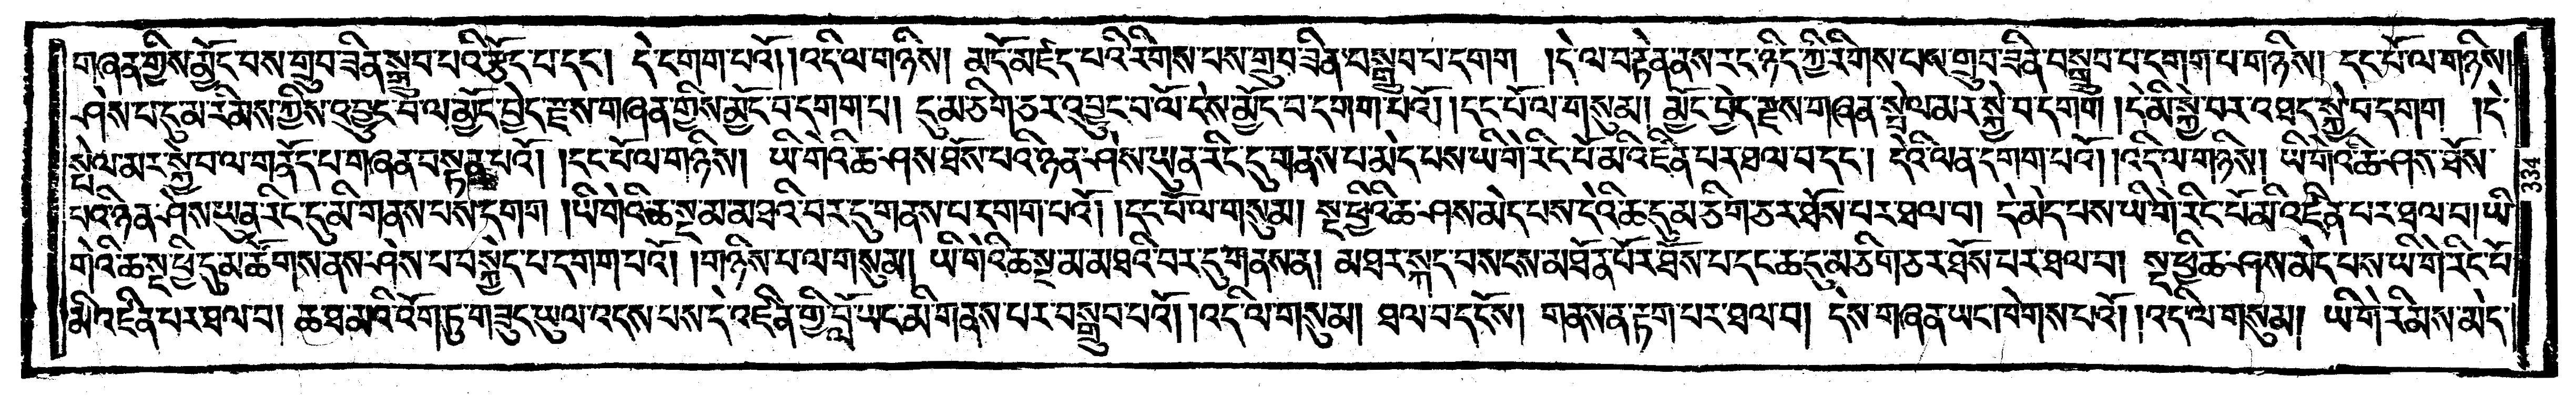གཞན་གྱིས་མྱོང་བས་གྲུབ་ཟིན་སྒྲུབ་པའི་རྩོད་པ་དང་། དེ་དགག་པའོ། །འདི་ལ་གཉིས། མདོ་མཛད་པའི་རིགས་པས་གྲུབ་ཟིན་བསྒྲུབ་པ་དགག །དེ་ལ་བརྟེན་ནས་རང་ཉིད་ཀྱི་རིགས་པས་གྲུབ་ཟིན་བསྒྲུབ་པ་དགག་པ་གཉིས། དང་པོ་ལ་གཉིས།
ཤེས་པ་དུ་མ་རིམས་ཀྱིས་འབྱུང་བ་ལ་མྱོང་བྱེད་རྫས་གཞན་གྱིས་མྱོང་བ་དགག་པ། དུ་མ་ཅིག་ཅར་འབྱུང་བ་ལོ་དེས་མྱོང་བ་དགག་པའོ། །དང་པོ་ལ་གསུམ། མྱོང་བྱེད་རྫས་གཞན་སྤེལ་མར་སྐྱེ་བ་དགག །དེ་མི་སྐྱེ་བར་འཐད་སྐྱེ་བ་དགག །དེ་
སྤེལ་མར་སྐྱེ་བ་ལ་གནོད་པ་གཞན་བསྟན་པའོ། །དང་པོ་ལ་གཉིས། ཡི་གེའི་ཆ་ཤས་ཐོས་པའི་ཉན་ཤེས་ཡུན་རིང་དུ་གནས་པ་མེད་པས་ཡི་གེ་རིང་པོ་མི་འཛིན་པར་ཐལ་བ་དང་། དེའི་ལན་དགག་པའོ། །འདི་ལ་གཉིས། ཡི་གེའི་ཆ་ཤས་ཐོས་
པའི་ཉན་ཤེས་ཡུན་རིང་དུ་མི་གནས་པས་དགག །ཡི་གེའི་ཆ་སྔ་མ་མཐའི་བར་དུ་གནས་པ་དགག་པའོ། །དང་པོ་ལ་གསུམ། སྔ་ཕྱིའི་ཆ་ཤས་མེད་པས་དེའི་ཆ་དུ་མ་ཅིག་ཅར་ཐོས་པར་ཐལ་བ། དེ་མེད་པས་ཡི་གེ་རིང་པོ་མི་འཛིན་པར་ཐལ་བ། ཡི་
གེའི་ཆ་སྔ་ཕྱི་དུ་མ་ཚོགས་ནས་ཤེས་པ་བསྐྱེད་པ་དགག་པའོ། །གཉིས་པ་ལ་གསུམ། ཡི་གེའི་ཆ་སྔ་མ་མཐའི་བར་དུ་གནས་ན། མཐར་སྐད་བསངས་མཐོན་པོར་ཐོས་པ་དང་ཆ་དུ་མ་ཅིག་ཅར་ཐོས་པར་ཐལ་བ། སྔ་ཕྱི་ཆ་ཤས་མེད་པས་ཡི་གེ་རིང་པོ་
མི་འཛིན་པར་ཐལ་བ། ཆ་ཐ་མའི་འོག་ཏུ་གཟུང་ཡུལ་འདས་པས་དེ་འཛིན་གྱི་བློ་ཡང་མི་གནས་པར་བསྒྲུབ་པའོ། །འདི་ལ་གསུམ། ཐལ་བ་དངོས། གནས་ན་རྟག་པར་ཐལ་བ། དེས་གཞན་ཡང་ཁེགས་པའོ། །འདི་ལ་གསུམ། ཡི་གེ་རིམས་མེད་